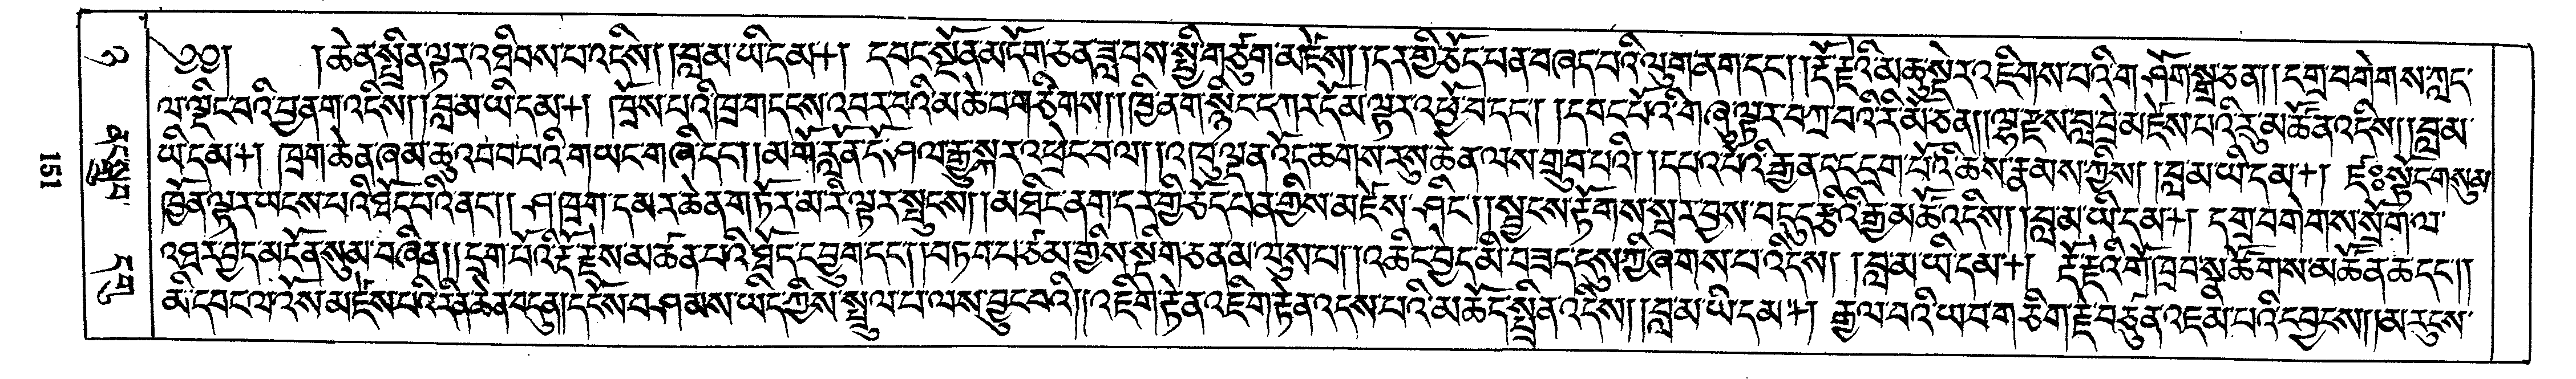༄༅། །ཆེན་སྤྲིན་ལྟར་འཐིབས་པ་འདིས། །བླ་མ་ཡི་དམ། དབང་སྔོན་མདོག་ཅན་ཟླ་བས་སྤྱི་གཙུག་མཛེས། །དར་གྱི་ཅོད་པན་བཞད་པའི་ལུག་ནག་དང་། །རྡོ་རྗེའི་མཆུ་སྡེར་འཇིགས་པའི་གཤོག་སྒྲ་ཅན། །དགྲ་བགེགས་ཀླད་
ལ་ལྡིང་བའི་བྱ་ནག་འདིས། །བླ་མ་ཡི་དམ། ཁྲོས་པའི་ཁ་གདངས་འབར་བའི་མཆེ་བ་གཙིགས། །ཁྱི་ནག་སྙིང་དཀར་དོམ་ལྟར་འཕྱོ་བ་དང་། །དབང་པོའི་གཞུ་ལྟར་བཀྲ་བའི་རི་མོ་ཅན། །ལྷ་རྫས་བླ་བྲེ་མཛེས་པའི་རུ་མཚོན་འདིས། །བླ་མ་
ཡི་དམ། ཁྲག་ཆེན་ཞམ་ཆུ་འབབ་པའི་གཡང་གཞི་དང་། །མགོ་རློན་དོ་ཤལ་རྒྱུ་སྐར་འཕྲེང་བ་ལ། །འཁུ་ལྡན་འོད་ཆགས་རུས་ཆེན་ལས་གྲུབ་པའི། །དཔའ་པོའི་རྒྱན་དང་དྲག་པོའི་ཆས་རྣམས་ཀྱིས། །བླ་མ་ཡི་དམ། ཛཿ སྟོང་གསུམ་
ཁྱོན་ལྟར་ཡངས་པའི་ཐོད་པའི་ནང་། །ཤ་ཁྲག་དམར་ཆེན་གཏོར་མ་རི་ལྟར་སྤུངས། །མཐིང་ནག་དར་གྱི་ཅོད་པན་གྱིས་མཛེས་ཤིང་། །སྦྱངས་རྟོགས་སྤར་བྱས་བདུད་རྩིའི་རྒྱ་མཚོ་འདིས། །བླ་མ་ཡི་དམ། དགྲ་བགེགས་སྲོག་ལ་
འཐར་བྱེད་མངོན་སུམ་བཞིན། །དྲག་པོའི་རྡོ་རྗེས་མཚན་པའི་ཐོད་དབྱུག་དང་། །བཏབ་པ་ཙམ་གྱིས་སྡིག་ཅན་མ་ལུས་པ། །འཆིང་བྱེད་མི་བཟད་དུས་ཀྱི་ཞགས་པ་འདིས། །བླ་མ་ཡི་དམ། རྡོ་རྗེའི་གོ་ཁྲབ་སྣ་ཚོགས་མཚོན་ཆ་དང།།
མི་དབང་ལ་འོས་མཛས་པའི་རིན་ཆེན་བདུན། །དངོས་བཤམས་ཡིད་ཀྱིས་སྤྲུལ་པ་ལས་བྱུང་བའི། །འཇིག་རྟེན་འཇིག་རྟེན་འདས་པའི་མཆོད་སྤྲིན་འདིས། །བླ་མ་ཡི་དམ། རྒྱལ་བའི་ཡབ་གཅིག་རྗེ་བཙུན་འཇམ་པའི་དབྱངས། །མ་རུངས་